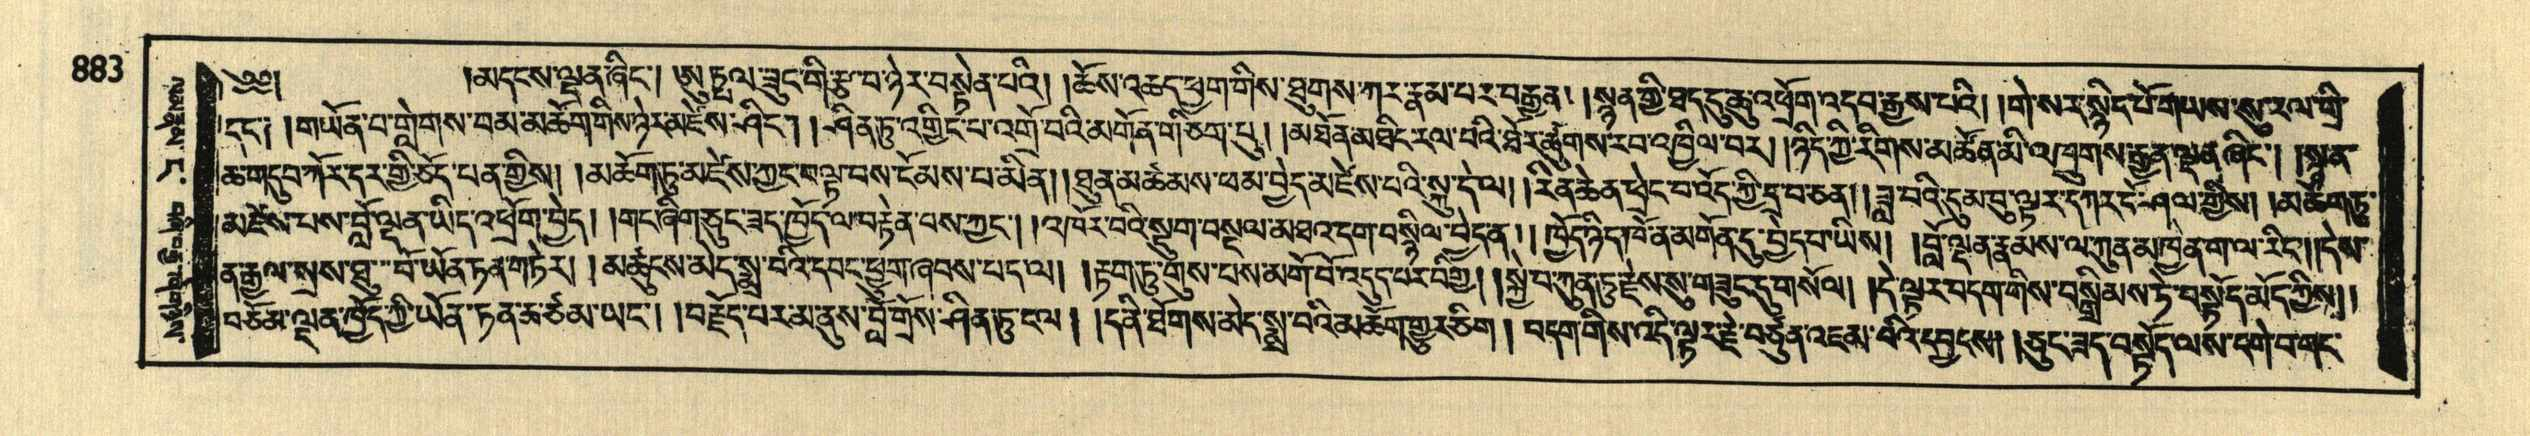༄༅། །མདངས་ལྡན་ཞིང་། ཨུཏྤལ་ཟུང་གི་རྩ་བ་ཉེར་བསྟེན་པའི། །ཆོས་འཆད་ཕྱག་གིས་ཐུགས་ཀར་རྣམ་པར་བརྒྱན། །སྙན་གྱི་ཐད་དུ་ཆུ་འཕྲོག་འདབ་རྒྱས་པའི། །གེ་སར་སྙིང་པོ་གཡས་སུ་རལ་གྲི་
དང༑ །གཡོན་པ་གླེགས་བམ་མཆོག་གིས་ཉེར་མཛེས་ཤིང་། །ཤིན་ཏུ་འགྱིང་པ་འགྲོ་བའི་མགོན་གཅིག་པུ། །མཐོན་མཐིང་རལ་བའི་ཐོར་ཚུགས་རབ་འཁྱིལ་བར། །ཉིད་ཀྱི་རིགས་མཚོན་མི་འཁྲུགས་རྒྱན་ལྡན་ཞིང་། །སྙན་
ཆ་གདུབ་ཀོར་དར་གྱི་ཅོད་པན་གྱིས། །མཆོག་ཏུ་མཛེས་ཀྱང་བལྟ་བས་ངོམས་པ་མིན། །ཐུན་མཚམས་ཕམ་བྱེད་མཛེས་པའི་སྐུ་དེ་ལ། །རིན་ཆེན་ཕྲེང་བ་འོད་ཀྱི་དྲ་བ་ཅན། །ཟླ་བའི་དུམ་བུ་ལྟར་དཀར་ངོ་ཤལ་གྱིས། །མཆོག་ཏུ་
མཛེས་པས་བློ་ལྡན་ཡིད་འཕྲོག་བྱེད། །གང་ཞིག་ཅུང་ཟད་ཁྱོད་ལ་བརྟེན་པས་ཀྱང་། །འཁོར་བའི་སྡུག་བསྔལ་མཐའ་དག་བསྙིལ་བྱེད་ན། །ཁྱོད་ཉིད་ཁོ་ན་མགོན་དུ་བྱེད་པ་ཡིས། །བློ་ལྡན་རྣམས་ལ་ཀུན་མཁྱེན་ག་ལ་རིང་། །དེས་
ན་རྒྱལ་སྲས་ཐུ་བོ་ཡོན་ཏན་གཏེར། །མཚུངས་མེད་སྨྲ་བའི་དབང་ཕྱུག་ཞབས་པད་ལ། །རྟག་ཏུ་གུས་པས་མགོ་བོ་འདུད་པར་བགྱི། །སྐྱེ་བ་ཀུན་ཏུ་རྗེས་སུ་གཟུང་དུ་གསོལ། །དེ་ལྟར་བདག་གིས་བསྒྲིམས་ཏེ་བསྟོད་མདོ་ཀྱིས། །
བཅོམ་ལྡན་ཁྱོད་ཀྱི་ཡོན་ཏན་ཆ་ཙམ་ཡང་། །བརྗོད་པར་མ་ནུས་བློ་གྲོས་ཤིན་ཏུ་ངལ། །ད་ནི་ཐོགས་མེད་སྨྲ་བའི་མཆོག་གྱུར་ཅིག། བདག་གིས་འདི་ལྟར་རྗེ་བཙུན་འཇམ་བའི་དབྱངས། །ཅུང་ཟད་བསྟོད་ལས་དགེ་བ་གང་